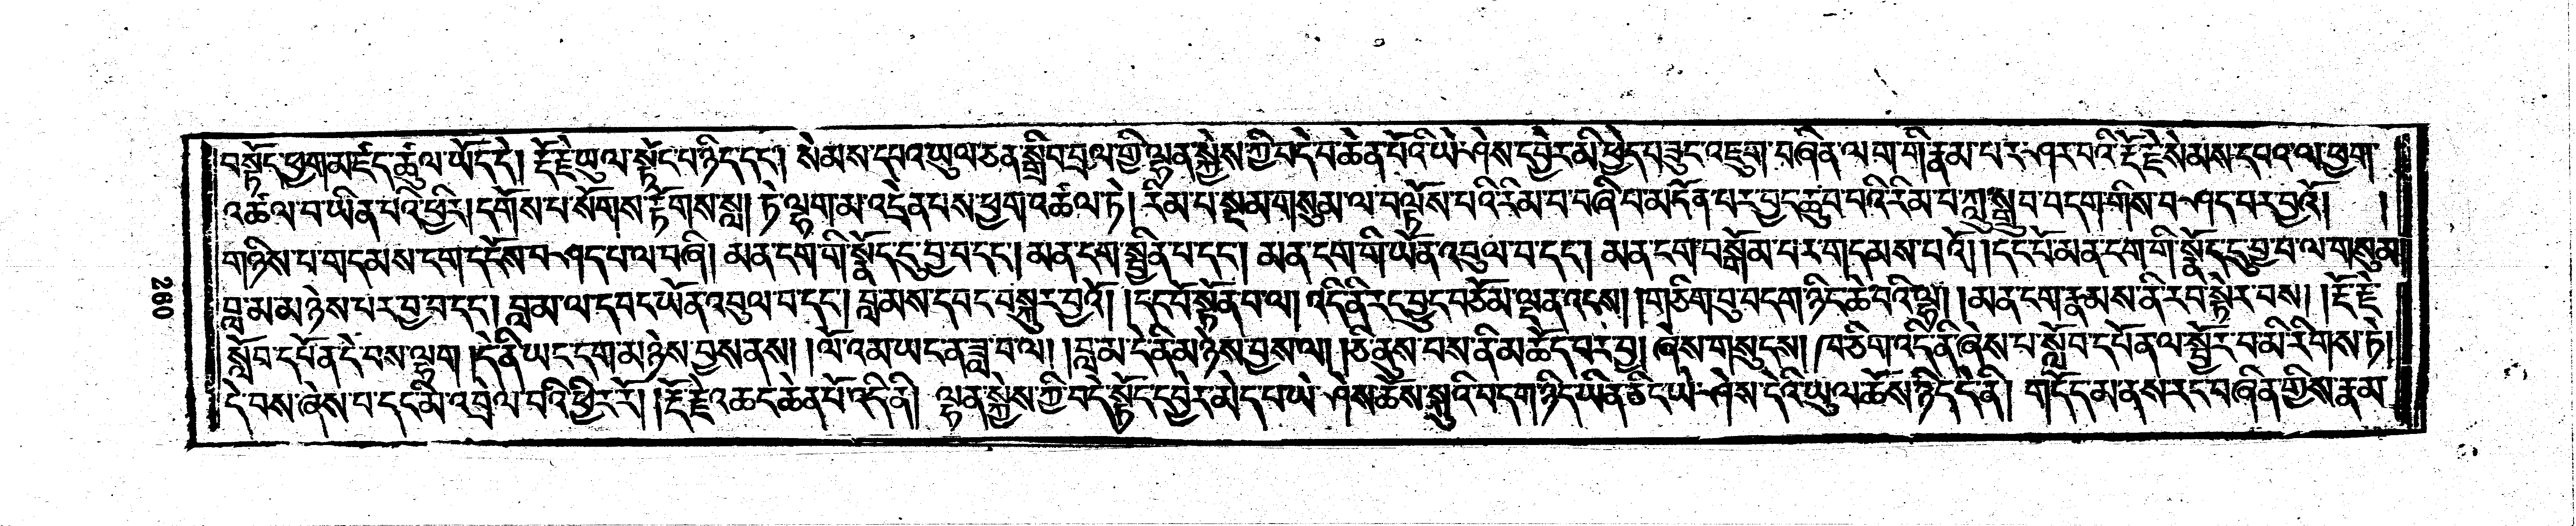བསྟོད་ཕྱག་མཛད་ཚུལ་ཡོད་དེ། རྡོ་རྗེ་ཡུལ་སྟོང་པ་ཉིད་དང་། སེམས་དཔའ་ཡུལ་ཅན་སྒྲིབ་བྲལ་གྱི་ལྷན་སྐྱེས་ཀྱི་བདེ་བ་ཆེན་པོའི་ཡེ་ཤེས་དབྱེར་མི་ཕྱེད་བཟུང་འཇུག་བཞིན་ལག་གི་རྣམ་པར་ཤར་བའི་རྡོ་རྗེ་སེམས་དཔའ་ལ་ཕྱག་
འཚལ་བ་ཡིན་པའི་ཕྱིར། དགོས་པ་སོགས་རྟོགས་སླ། ཏེ་ལྷག་མ་འདྲེན་པས་ཕྱག་འཚལ་ཏེ། རིམ་པ་སྔ་མ་གསུམ་ལ་བལྟོས་པའི་རིམ་པ་བཞི་པ་མངོན་པར་བྱང་ཆུབ་པའི་རིམ་པ་ཀླུ་སྒྲུབ་བདག་གིས་བཤད་པར་བྱའོ། །
གཉིས་པ་གདམས་ངག་དངོས་བཤད་པ་ལ་བཞི། མན་ངག་གི་སྣོད་དུ་བྱ་བ་དང་། མན་ངག་སྦྱིན་པ་དང་། མན་ངག་གི་ཡོན་འབུལ་བ་དང་། མན་ངག་བསྒོམ་པར་གདམས་པའོ། །དང་པོ་མན་ངག་གི་སྣོད་དུ་བྱ་བ་ལ་གསུམ་
བླ་མ་མཉེས་པར་བྱ་བ་དང་། བླ་མ་ལ་དབང་ཡོན་འབུལ་བ་དང་། བླ་མས་དབང་བསྐུར་བྱའོ། །དང་པོ་སྟོན་པ་ལ། འདི་ནི་རང་བྱུང་བཅོམ་ལྡན་འདས། །གཅིག་པུ་བདག་ཉིད་ཆེ་བའི་ལྷ། །མན་ངག་རྣམས་ནི་རབ་སྟེར་བས། །རྡོ་རྗེ་
སློབ་དཔོན་དེ་བས་ལྷག །དེ་ནི་ཡང་དག་མཉེས་བྱས་ནས། །ལོ་འམ་ཡང་ན་ཟླ་བ་ལ། །བླ་མ་དེ་ནི་མཉེས་བྱས་ལ། །ཅི་ནུས་པས་ནི་མཆོད་པར་བྱ། ཞེས་གསུངས། ཁ་ཅིག་འདི་ནི་ཞེས་པ་སློབ་དཔོན་ལ་སྦྱོར་བ་མི་རིགས་ཏེ།
དེ་བས་ཞེས་པ་དང་མི་འབྲལ་བའི་ཕྱིར་རོ། །རྡོ་རྗེ་འཆང་ཆེན་པོ་འདི་ནི། ལྷན་སྐྱེས་ཀྱི་བདེ་སྟོང་དབྱེར་མེད་པ་ཡེ་ཤེས་ཆོས་སྐུའི་བདག་ཉིད་ཡིན་ཅིང་ཡེ་ཤེས་དེའི་ཡུལ་ཆོས་ཉིད་དེ་ནི། གདོད་མ་ནས་རང་བཞིན་གྱིས་རྣམ་